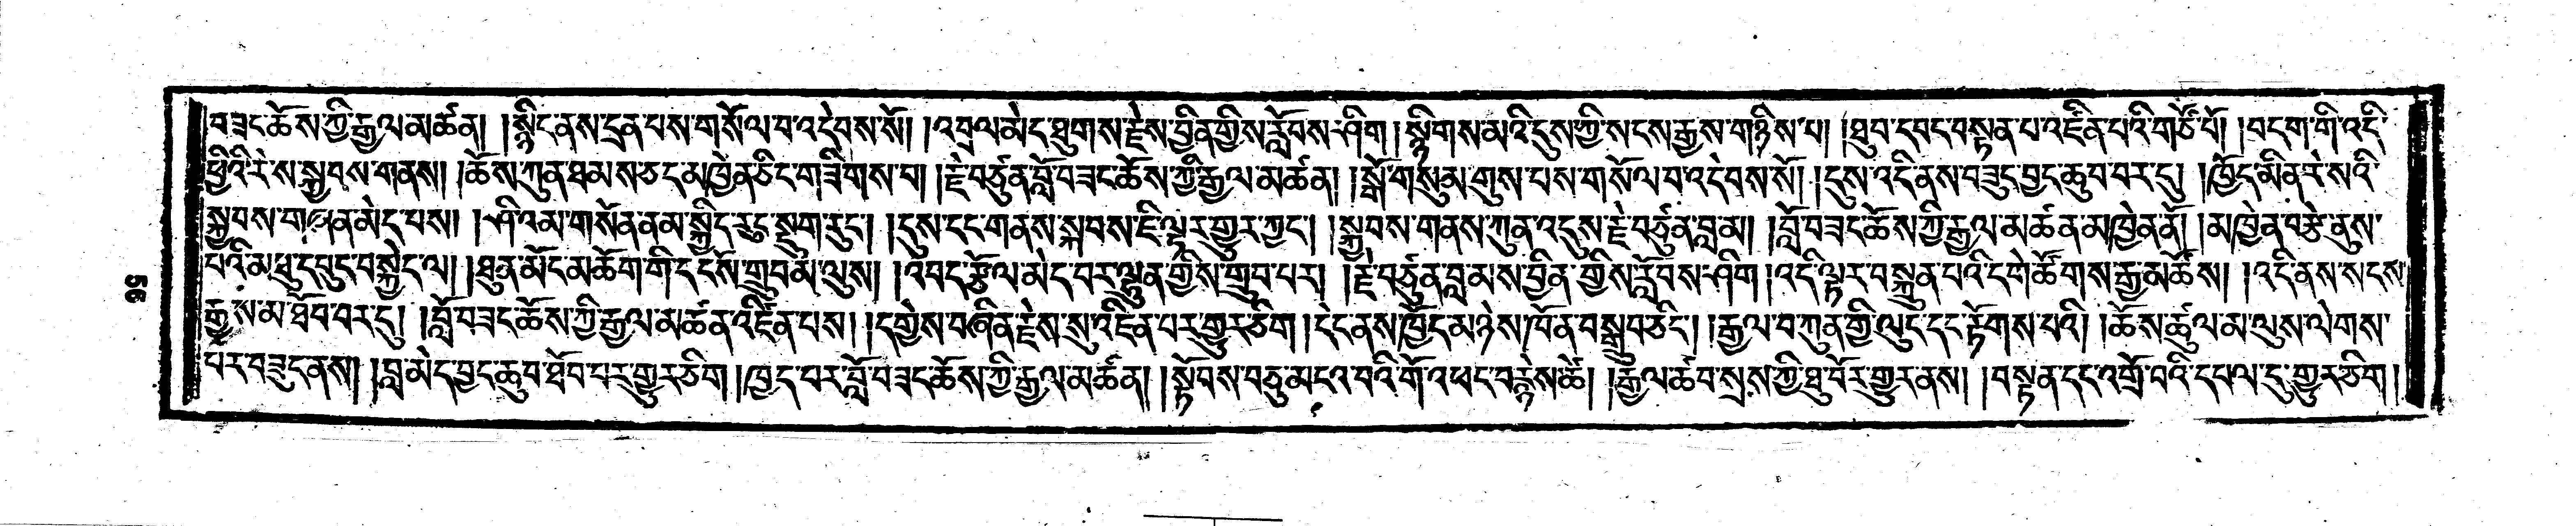བཟང་ཆོས་ཀྱི་རྒྱལ་མཚན། །སྙིང་ནས་དྲན་པས་གསོལ་བ་འདེབས་སོ། །འབྲལ་མེད་ཐུགས་རྗེས་བྱིན་གྱིས་རློབས་ཤིག །སྙིགས་མའི་དུས་ཀྱི་སངས་རྒྱས་གཉིས་པ། །ཐུབ་དབང་བསྟན་པ་འཛིན་པའི་གཙོ་བོ། །བདག་གི་འདི་
ཕྱིའི་རེ་ས་སྐྱབས་གནས། །ཆོས་ཀུན་ཐམས་ཅད་མཁྱེན་ཅིང་གཟིགས་པ། །རྗེ་བཙུན་བློ་བཟང་ཆོས་ཀྱི་རྒྱལ་མཚན། །སྒོ་གསུམ་གུས་པས་གསོལ་བ་འདེབས་སོ། །དུས་འདི་ནས་བཟུང་བྱང་ཆུབ་བར་དུ། །ཁྱོད་མིན་རེ་སའི་
སྐྱབས་གཞན་མེད་པས། །ཤིའམ་གསོན་ནམ་སྐྱིད་རུང་སྡུག་རུང་། །དུས་དང་གནས་སྐབས་ཇི་ལྟར་གྱུར་ཀྱང་། །སྐྱབས་གནས་ཀུན་འདུས་རྗེ་བཙུན་བླ་མ། །བློ་བཟང་ཆོས་ཀྱི་རྒྱལ་མཚན་མཁྱེན་ནོ། །མཁྱེན་བརྩེ་ནུས་
པའི་མཐུ་དཔུང་བསྐྱེད་པ། །ཐུན་མོང་མཆོག་གི་དངོས་གྲུབ་མ་ལུས། །འབད་རྩོལ་མེད་པར་ལྷུན་གྱིས་གྲུབ་པར། །རྗེ་བཙུན་བླ་མས་བྱིན་གྱིས་རློབས་ཤིག །འདི་ལྟར་བསྐྲུན་པའི་དགེ་ཚོགས་རྒྱ་མཚོས། །འདི་ནས་སངས་
རྒྱས་མ་ཐོབ་བར་དུ། །བློ་བཟང་ཆོས་ཀྱི་རྒྱལ་མཚན་འཛིན་པས། །དགྱེས་བཞིན་རྗེས་སུ་འཛིན་པར་གྱུར་ཅིག །དེང་ནས་ཁྱོད་མཉེས་ཁོ་ན་བསྒྲུབ་ཅིང་། །རྒྱལ་བ་ཀུན་གྱི་ལུང་དང་རྟོགས་པའི། །ཆོས་ཚུལ་མ་ལུས་ལེགས་
པར་བཟུང་ནས། །བླ་མེད་བྱང་ཆུབ་ཐོབ་པར་གྱུར་ཅིག །ཁྱད་པར་བློ་བཟང་ཆོས་ཀྱི་རྒྱལ་མཚན། །སྟོབས་བཅུ་མངའ་བའི་གོ་འཕང་བརྙེས་ཚེ། །ཕྱག་ཚབ་སྲས་ཀྱི་ཐུ་བོར་གྱུར་ནས། །བསྟན་དང་འགྲོ་བའི་དཔལ་དུ་གྱུར་ཅིག་